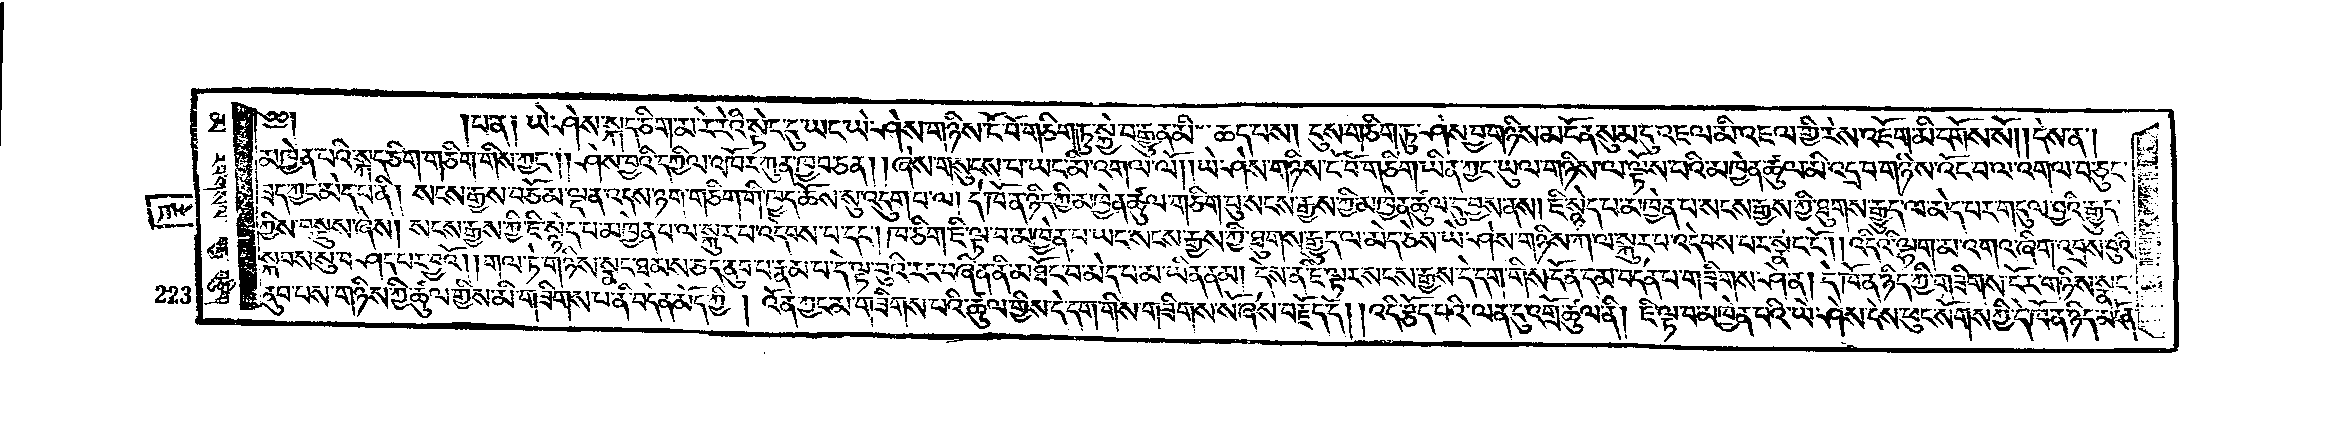༄༅། །པ་ན། ཡེ་ཤེས་སྐད་ཅིག་མ་རེ་རེའི་སྟེང་དུ་ཡང་ཡེ་ཤེས་གཉིས་ངོ་བོ་གཅིག་ཏུ་སྐྱེ་བ་རྒྱུན་མི་ཆད་པས། དུས་གཅིག་ཏུ་ཤེས་བྱ་གཉིས་མངོན་སུམ་དུ་འཇལ་མི་འཇལ་གྱི་རེས་འཇོག་མི་དགོས་སོ། །དེས་ན།
མཁྱེན་པའི་སྐད་ཅིག་གཅིག་གིས་ཀྱང་། །ཤེས་བྱའི་དཀྱིལ་འཁོར་ཀུན་ཁྱབ་ཅན། །ཞེས་གསུངས་པ་ཡང་མི་འགལ་ལོ། །ཡེ་ཤེས་གཉིས་ངོ་བོ་གཅིག་ཡིན་ཀྱང་ཡུལ་གཉིས་ལ་ལྟོས་པའི་མཁྱེན་ཚུལ་མི་འདྲ་བ་གཉིས་འོང་བ་ལ་འགལ་བ་ཅུང་
ཟད་ཀྱང་མེད་པ་ནི། སངས་རྒྱས་བཅོམ་ལྡན་འདས་ཉག་གཅིག་གི་ཁྱད་ཆོས་སུ་འདུག་པ་ལ། དེ་ཁོ་ན་ཉིད་ཀྱི་མཁྱེན་ཚུལ་གཅིག་པུ་སངས་རྒྱས་ཀྱི་མཁྱེན་ཚུལ་དུ་བྱས་ནས། ཇི་སྙེད་པ་མཁྱེན་པ་སངས་རྒྱས་ཀྱི་ཐུགས་རྒྱུད་ལ་མེད་པར་གདུལ་བྱའི་རྒྱུད་
ཀྱིས་བསྡུས་ཞེས། སངས་རྒྱས་ཀྱི་ཇི་སྙེད་པ་མཁྱེན་པ་ལ་སྐུར་པ་འདེབས་པ་དང་། ཁ་ཅིག་ཇི་ལྟ་བ་མཁྱེན་པ་ཡང་སངས་རྒྱས་ཀྱི་ཐུགས་རྒྱུད་ལ་མེད་ཅེས་ཡེ་ཤེས་གཉིས་ཀ་ལ་སྐུར་བ་འདེབས་པར་སྣང་ངོ། །འདིའི་ལྷག་མ་འགའ་ཞིག་འབྲས་བུའི་
སྐབས་སུ་བཤད་པར་བྱའོ། །གལ་ཏེ་གཉིས་སྣང་ཐམས་ཅད་ནུབ་པ་རྣམ་པ་དེ་ལྟ་བུའི་རང་བཞིན་ནི་མཐོང་བ་མེད་པ་མ་ཡིན་ནམ། དེས་ན་ཇི་ལྟར་སངས་རྒྱས་དེ་དག་གིས་དོན་དམ་བདེན་པ་གཟིགས་ཤེ་ན། དེ་ཁོ་ན་ཉིད་ཀྱི་གཟིགས་ངོར་གཉིས་སྣང་
ནུབ་པས་གཉིས་ཀྱི་ཚུལ་གྱིས་མི་གཟིགས་པ་ནི་བདེན་མོད་ཀྱི། འོན་ཀྱང་མ་གཟིགས་པའི་ཚུལ་གྱིས་དེ་དག་གིས་གཟིགས་སོ་ཞེས་བརྗོད་དོ། །འདི་རྩོད་པའི་ལན་དུ་འགྲོ་ཚུལ་ནི། ཇི་ལྟ་བ་མཁྱེན་པའི་ཡེ་ཤེས་དེས་ཕུང་སོགས་ཀྱི་དེ་ཁོ་ན་ཉིད་མངོན་